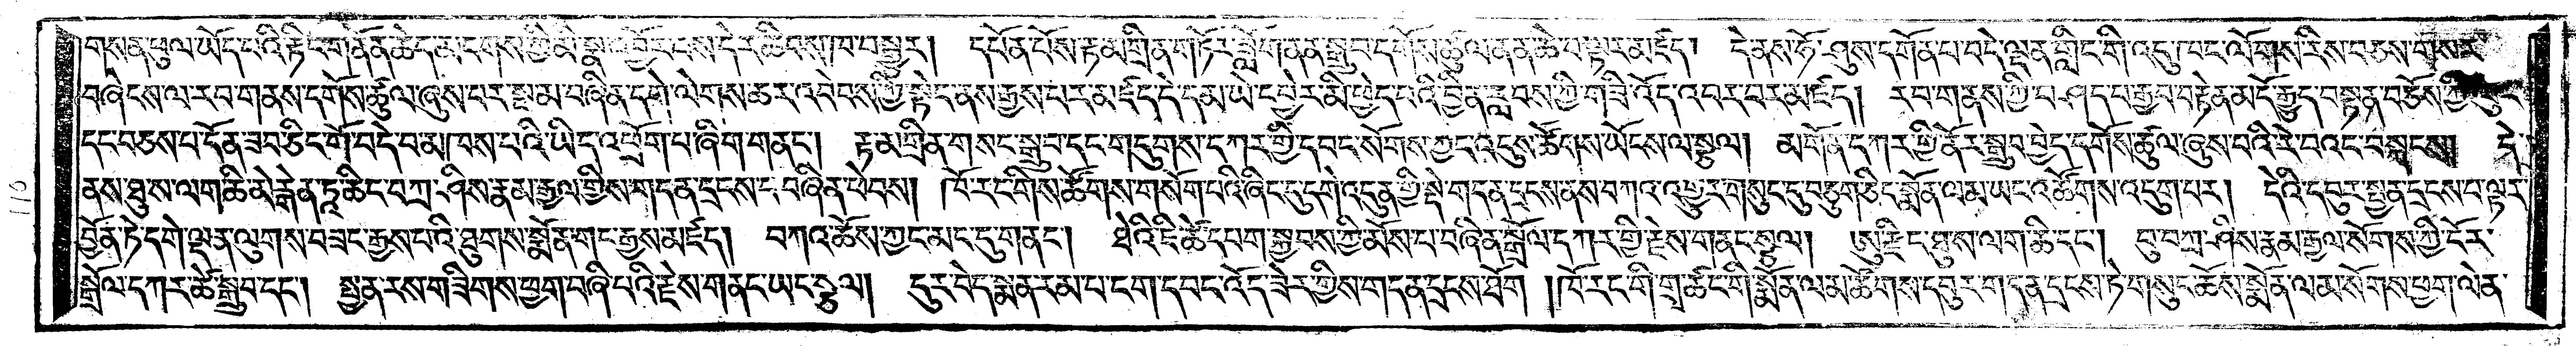གསན་ཕུལ་ཡོད་བའི་རྟིང་གནོན་ཆེད་མངགས་ཀྱི་མི་སྣ་འབྱོར་བས་དེར་ཆིབས་ཁ་བསྒྱུར། དཔོན་པོས་རྟ་མགྲིན་གཏོར་ཟློག་ནན་སྒྲུབ་དགོས་ཚུལ་ནན་ཆེ་བ་ལྟར་མཛད། དེ་ནས་ཧོ་ཤུས་དགོན་པ་བདེ་ལྡན་གླིང་གི་འདུ་ཁང་ལོགས་རིས་བཅས་གསར་
བཞེངས་ལ་རབ་གནས་དགོས་ཚུལ་ཞུས་བར་སྔ་མ་བཞིན་དགེ་ལེགས་ཆར་འབེབས་ཀྱི་སྟེང་ནས་རྒྱས་པར་མཛད་དེ་དམ་ཡེ་དབྱེར་མི་ཕྱེད་བའི་བྱིན་རླབས་ཀྱི་གཟི་འོད་འབར་བར་མཛད། རབ་གནས་ཀྱི་བཤད་པ་རྒྱབ་བརྟེན་མདོ་རྒྱུད་བསྟན་བཅོས་ཀྱི་ལུང་
དང་བཅས་པ་དོན་ཟབ་ཅིང་གོ་བདེ་བ་མཁས་པའི་ཡིད་འཕྲོག་པ་ཞིག་གནང་། རྟ་མགྲིན་གསང་སྒྲུབ་དང་གདུགས་དཀར་གྱི་དབང་སོགས་ཀྱང་འདུས་ཚེགས་ཡོངས་ལ་སྩལ། མགོན་དཀར་གྱི་ནོར་སྒྲུབ་བྱེད་དགོས་ཚུལ་ཞུས་པའི་རེ་བའང་བསྐངས། དེ་
ནས་ཐུས་ལག་ཆི་མེ་རྒེན་ཏཱ་ཆིང་བཀྲ་ཤིས་རྣམ་རྒྱལ་གྱིས་གདན་དྲངས་ད་བཞིན་ཕེབས། ཁོ་རང་གིས་ཚོགས་གསོག་བའི་ཞིང་དུ་དགེ་འདུན་གྱི་སྡེ་གདན་དྲངས་ནས་བཀའ་འགྱུར་གསུང་དུ་བཅུག་ཅིང་སྨོན་ལམ་ཡང་འཚོགས་འདུག་པར། དེའི་དབུར་སྤྱན་དྲངས་བ་ལྟར་
བྱོན་ཏེ་དགེ་ལྡན་ལུགས་བཟང་རྒྱས་པའི་ཐུགས་སྨོན་གང་རྒྱས་མཛད། བཀའ་ཆོས་ཀྱང་མང་དུ་གནང་། ཐེའི་ཇི་ཚེ་དཔག་སྐྱབས་ཀྱི་མོས་པ་བཞིན་སྒྲོལ་དཀར་གྱི་རྗེས་གནང་སྩལ། ཨུ་རྫིང་ཐུ་ས་ལག་ཆི་དང་། བུ་བཀྲ་ཤིས་རྣམ་རྒྱལ་སོགས་ཀྱི་དོར་
སྒྲོལ་དཀར་ཚེ་སྒྲུབ་དང་། སྤྱན་རས་གཟིགས་ཕྱག་བཞི་པའི་རྗེས་གནང་ཡང་སྕལ། དུར་བེད་སྨན་རམ་པ་ངག་དབང་འོད་ཟེར་གྱིས་གདན་དྲངས་ཐོག །ཁོ་རང་གི་གྲྭ་ཚང་གི་སྨོན་ལམ་ཚོགས་དབུར་གདན་དྲངས་ཏེ་གསུང་ཆོས་སྨོན་ལམ་སོགས་ཕྱག་ལེན་